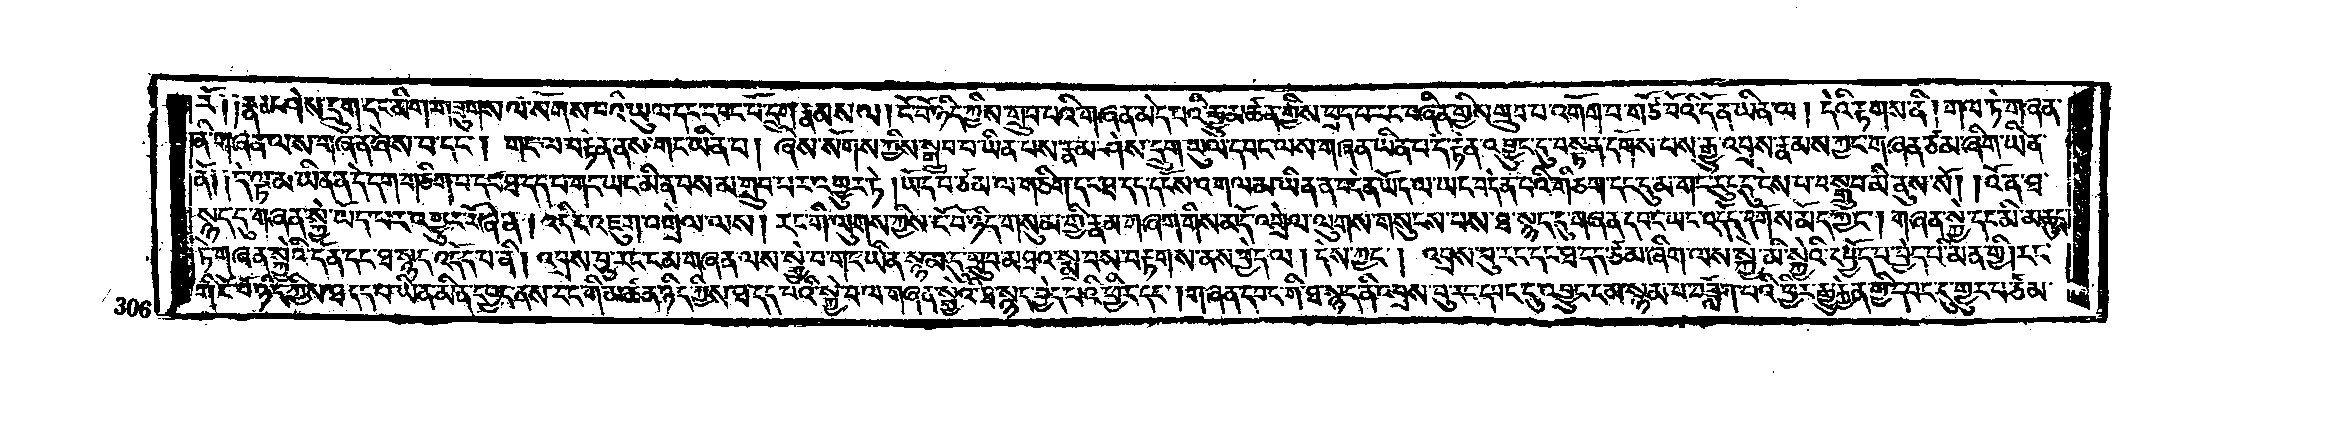རོ། །རྣམ་ཤེས་དྲུག་དང་མིག་གཟུགས་ལ་སོགས་པའི་ཡུལ་དང་དབང་པ་དྲུག་རྣམས་ལ། ངོ་བོ་ཉིད་ཀྱིས་གྲུབ་པའི་གཞན་མེད་པའི་རྒྱུ་མཚན་གྱིས་ཕྲད་པ་རང་བཞིན་གྱིས་གྲུབ་པ་འགོག་པ་གཙོ་བོའི་དོན་ཡིན་ལ། དེའི་རྟགས་ནི། གལ་ཏེ་གཞན་
ནི་གཞན་ལས་གཞན་ཞེས་པ་དང་། གང་ལ་བརྟེན་ནས་གང་ཡིན་པ། ཞེས་སོགས་ཀྱིས་སྒྲུབ་པ་ཡིན་པས་རྣམ་ཤེས་དྲུག་ཡུལ་དབང་ལས་གཞན་ཡིན་པ་དེ་རྟེན་འབྱུང་དུ་བསྟན་དགོས་པས་རྒྱུ་འབྲས་རྣམས་ཀྱང་གཞན་ཙམ་ཞིག་ཡིན་
དོ། །དེ་ལྟ་མ་ཡིན་ན་དེ་དག་གཅིག་པ་དང་ཐ་དད་པ་གང་ཡང་མིན་པས་མ་གྲུབ་པར་འགྱུར་ཏེ། ཡོད་པ་ཙམ་ལ་གཅིག་དང་ཐ་དད་དངོས་འགལ་མ་ཡིན་ན་བདེན་ཡོད་ལ་ཡང་བདེན་པའི་གཅིག་དང་དུ་མ་གང་རུང་དེ་ངེས་པ་བསྒྲུབ་མི་ནུས་སོ། །འོ་ན་ཐ་
སྙད་དུ་གཞན་སྐྱེ་ཡོད་པར་འགྱུར་རོ་ཞེ་ན། འདིར་འཇུག་འགྲེལ་ལས། རང་གི་ལུགས་ཀྱིས་ངོ་བོ་ཉིད་གསུམ་གྱི་རྣམ་གཞག་གིས་མདོ་འགྲེལ་ལུགས་གསུངས་པས་ཐ་སྙད་དུ་གཞན་དབང་ཡང་འདོད་དགོས་མོད་ཀྱང་། གཞན་སྐྱེ་དང་མི་མཚུངས་
ཏ་གཞན་སྐྱེའི་དོན་དང་ཐ་སྙད་འདོད་པ་ནི། འབྲས་བུ་རང་ངམ་གཞན་ལས་སྐྱེ་བ་གང་ཡིན་སྙམ་དུ་གྲུབ་མཐའ་སྨྲ་བས་བརྟགས་ནས་བྱེད་ལ། དེས་ཀྱང་། འབྲས་བུ་རང་དང་ཐ་དད་ཙམ་ཞིག་ལས་སྐྱེ་མི་སྐྱེའི་དཔྱོད་པ་བྱེད་པ་མིན་གྱི། རང་
གི་ངོ་བོ་ཉིད་ཀྱིས་ཐ་དད་པ་ཡིན་མིན་དཔྱད་ནས་རང་གི་མཚན་ཉིད་ཀྱིས་ཐ་དད་པའི་སྐྱེ་བ་ལ་གཞན་སྐྱེའི་ཐ་སྙད་བྱེད་པའི་ཕྱིར་དང་། གཞན་དབང་གི་ཐ་སྙད་ནི་འབྲས་བུ་རང་དབང་དུ་འབྱུང་ངམ་སྙམ་པ་བཟློག་པའི་ཕྱིར་རྒྱུ་རྐྱེན་གྱི་དབང་དུ་གྱུར་པ་ཙམ་